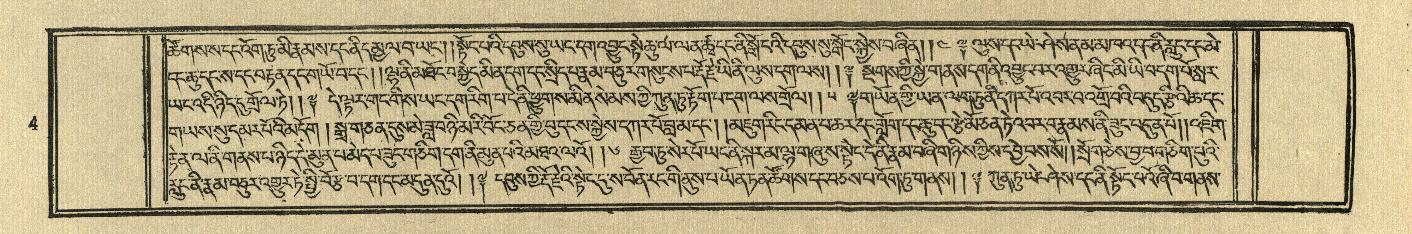ཚོགས་ས་དང་འོག་ཏུ་མི་རྣམས་དང་ནི་དམྱལ་བ་ཡང་། །སྟོང་པའི་དབུས་སུ་ཡང་དག་འབྱུང་སྟེ་ཆུ་ལ་ལན་ཚྭ་དང་ནི་སྒོ་ངའི་དབུས་སུ་སྒོང་སྐྱེས་བཞིན། །༤་༈ ལུས་དང་ཡེ་ཤེས་ནམ་མཁའ་དང་ནི་རླུང་དང་མེ་
དང་ཆུ་དང་ས་དང་བརྟན་དང་གཡོ་བ་དང་། །ལྷ་ནི་མཐོང་བ་སྐྱེད་མིན་དག་དང་སྲིད་པ་རྣམ་བཅུར་གསུངས་པ་རྡོ་རྗེ་ཡི་ནི་ལུས་དག་ལས། ། ༈ སྔགས་ཀྱི་སྐྱེ་གནས་དག་ནི་འབྱུང་བར་འགྱུར་ཞིང་མི་ཡི་བདག་པོ་སླར་
ཡང་འདི་ཉིད་དུ་གྲོལ་ཏེ། ། ༈ དེ་ལྟར་གང་གིས་ཡང་དག་རིག་པ་དེ་ནི་ཕྱུགས་མིན་སེམས་ཀྱི་ཀུན་ཏུ་རྟོག་པ་དག་ལས་གྲོལ། །༤་གཡོན་གྱི་ཡན་ལག་ཏུ་ནི་དཀར་པོ་འབར་བ་འགྲོ་བའི་བདུད་རྩིའི་ཆ་དང་
གཡས་སུ་དམར་པོའི་མདོག། །སྒྲ་གཅན་དུས་མེ་ཟླ་བ་ཉི་མ་རི་བོང་ཅན་གྱི་བུ་དང་ས་སྐྱེས་དཀར་པོ་བླ་མ་དང་། །མཇུག་རིང་དམན་པ་ཆར་དང་གློག་དང་ཆུ་དང་རྩེ་མོ་ཅན་ཏེ་འབར་བ་རྣམས་ནི་ཟུང་བདུན་པོ། །འཇིག་
རྟེན་ལ་ནི་གནས་པ་ཉིད་དེ་མུན་པ་མེད་པ་ཟུང་གཅིག་དག་ནི་མུན་པའི་མཐའ་ལའོ། །༦་རྒྱབ་ཏུ་སེར་པོ་ཡང་ནི་སྐར་མ་ལྷ་གཞུ་ས་སྟེང་དེ་ནི་རྣམ་བཞི་གཉིས་ཀྱིས་དབྱེ་བས་སོ། །སྲོག་ཅེས་བྱ་བ་གཅིག་པུའི་
རླུང་ནི་རྣམ་བཅུར་འགྱུར་ཏེ་སྤྱི་བོ་རྩ་བ་དག་དང་མདུན་དུའོ། ། ༈ དབུས་ཀྱི་རྡོ་རྗེའི་སྟེང་དུ་ས་བོན་རང་གི་ནུས་པ་ཡོན་ཏན་ཚོགས་དང་བཅས་པ་འོག་ཏུ་གནས། ། ༈ ཀུན་ཏུ་ཡེ་ཤེས་དང་ནི་སྟོང་པའོ་ཞི་བ་གནས་